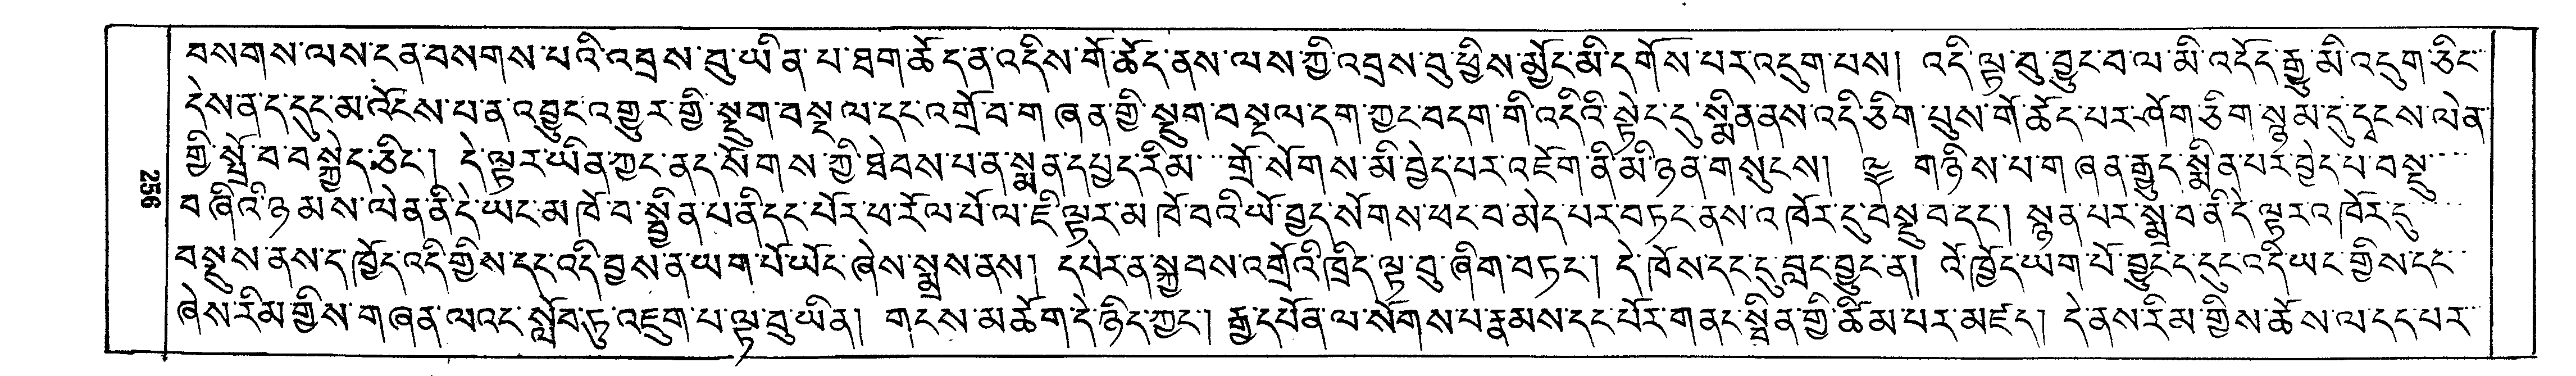བསགས་ལས་ངན་བསགས་པའི་འབྲས་བུ་ཡིན་པ་ཐག་ཆོད་ན་འདིས་གོ་ཆོད་ནས་ལས་ཀྱི་འབྲས་བུ་ཕྱིས་མྱོང་མི་དགོས་པར་འདུག་པས། འདི་ལྟ་བུ་བྱུང་བ་ལ་མི་འདོད་རྒྱུ་མི་འདུག་ཅིང་།
དེས་ན་ད་དུང་མ་འོངས་པ་ན་འབྱུང་འགྱུར་གྱི་སྡུག་བསྔལ་དང་འགྲོ་བ་གཞན་གྱི་སྡུག་བསྔལ་དག་ཀྱང་བདག་གི་འདིའི་སྟེང་དུ་སྨིན་ནས་འདི་ཅིག་པུས་གོ་ཆོད་པར་ཤོག་ཅིག་སྙམ་དུ་དྭངས་ལེན་
གྱི་སྤྲོ་བ་བསྐྱེད་ཅིང་། དེ་ལྟར་ཡིན་ཀྱང་ནད་སོགས་ཀྱི་ཐེབས་པ་ན་སྨན་དཔྱད་རིམ་གྲོ་སོགས་མི་བྱེད་པར་འཇོག་ནི་མི་ཉན་གསུངས། ༈ གཉིས་པ་གཞན་རྒྱུད་སྨིན་པར་བྱེད་པ་བསྡུ་
བཞིའི་ཉམས་ལེན་ནི་དེ་ཡང་མཁོ་བ་སྦྱིན་པ་ནི་དང་པོར་ཕ་རོལ་པོ་ལ་ཇི་ལྟར་མཁོ་བའི་ཡོ་བྱད་སོགས་ཕང་པ་མེད་པར་བཏང་ནས་འཁོར་དུ་བསྡུ་བ་དང་། སྙན་པར་སྨྲ་བ་ནི་དེ་ལྟར་འཁོར་དུ་
བསྡུས་ནས་ད་ཁྱོད་འདི་གྱིས་དང་འདི་བྱས་ན་ཡག་པོ་ཡོང་ཞེས་སྨྲས་ནས། དཔེར་ན་སྐྱབས་འགྲོའི་ཁྲིད་ལྟ་བུ་ཞིག་བཏང་། དེ་ཁོས་དང་དུ་བླང་བྱུང་ན། འོ་ཁྱོད་ཡག་པོ་བྱུང་ད་དུང་འདི་ཡང་གྱིས་དང་
ཞེས་རིམ་གྱིས་གཞན་ལའང་སློབ་ཏུ་འཇུག་པ་ལྟ་བུ་ཡིན། གོང་ས་མཆོག་དེ་ཉིད་ཀྱང་། རྒྱ་དཔོན་ལ་སོགས་པ་རྣམས་དང་པོར་གནད་སྦྱིན་གྱི་ཚིམ་པར་མཛད། དེ་ནས་རིམ་གྱིས་ཆོས་ལ་དད་བར་